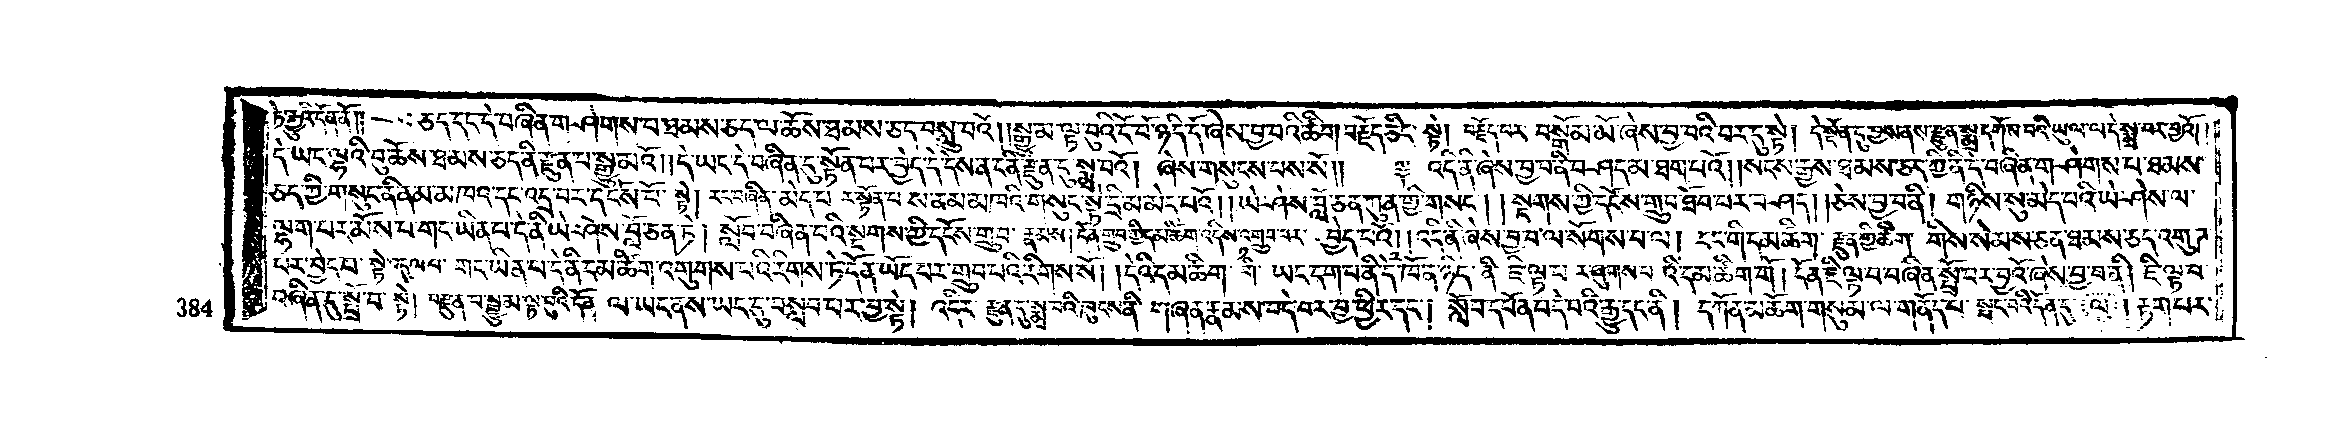ཏེ་རྒྱུའི་དོན་ནོ།། .H ཅད་དང་དེ་བཞིན་གཤེགས་པ་ཐམས་ཅད་ལ་ཆོས་ཐམས་ཅད་བསླུ་བའོ། །སྒྱུ་མ་ལྟ་བུའི་ངོ་བོ་ཉིད་དོ་ཞེས་བྱ་བའི་ཚིག་བརྗོད་ཅིང་སྟེ། བརྗོད་པར་བསྒོམ་མོ་ཞེས་བྱ་བའི་བར་དུ་སྟེ། དེ་སྔོན་དུ་བྱས་ནས་རྫུན་སྨྲ་དགོས་པའི་ཡུལ་ལ་དེ་སྨྲ་བར་བྱའོ།།
དེ་ཡང་ལྷའི་བུ་ཆོས་ཐམས་ཅད་ནི་རྫུན་པ་སྒྱུ་མའོ། །དེ་ཡང་དེ་བཞིན་དུ་སྟོན་པར་བྱེད་དེ་དེས་ན་ང་ནི་རྫུན་དུ་སྨྲ་བའོ། ཞེས་གསུངས་པས་སོ།། ༈ འདི་ནི་ཞེས་བྱ་བ་ནི་བཤད་མ་ཐག་པའོ། །སངས་རྒྱས་ཐམས་ཅད་ཀྱི་ནི་དེ་བཞིན་གཤེགས་པ་ཐམས་
ཅད་ཀྱི་གསུང་ནི་ནམ་མཁའ་དང་འདྲ་བར་དངོས་པོ་སྟེ། རང་བཞིན་མེད་པར་སྟོན་པས་ནམ་མཁའི་གསུང་སྟེ་དྲི་མ་མེད་པའོ། །ཡེ་ཤེས་བློ་ཅན་ཀུན་གྱི་གསང་། །སྔགས་ཀྱི་དངོས་གྲུབ་ཐོབ་པར་བཤད། །ཅེས་བྱ་བ་ནི། གཉིས་སུ་མེད་པའི་ཡེ་ཤེས་ལ་
ལྷག་པར་མོས་པ་གང་ཡིན་པ་དེ་ནི་ཡེ་ཤེས་བློ་ཅན་ཏེ། སློབ་བཞིན་པའི་སྔགས་ཀྱི་དངོས་གྲུབ་རྣམས། དོན་གྲུབ་ཀྱི་དམ་ཚིག་འདིས་འགྲུབ་པར་བྱེད་པའོ། །འདི་ནི་ཞེས་བྱ་བ་ལ་སོགས་པ་ལ། རང་གི་དམ་ཚིག་རྫུན་གྱི་ཚིག་གིས་སེམས་ཅན་ཐམས་ཅད་འགུགས་
པར་བྱེད་པ་སྟེ་འདུལ་བ་གང་ཡིན་པ་དེ་ནི་དམ་ཚིག་འགུགས་པའི་རིགས་ཏེ་དོན་ཡོད་པར་གྲུབ་པའི་རིགས་སོ། །དེའི་དམ་ཚིག་གི་ཡང་དག་པ་ནི་དེ་ཁོ་ན་ཉིད་ནི་ཇི་ལྟ་པར་ཞུགས་པའི་དམ་ཚིག་གོ །དོན་ཇི་ལྟ་བ་བཞིན་སྤྲོ་བར་བྱའོ་ཞེས་བྱ་བ་ནི། ཇི་ལྟ་བ་
བཞིན་དུ་སྤྲོ་བ་སྟེ། བརྫུན་པ་སྒྱུ་མ་ལྟ་བུའི་དོན་ལ་ཡང་ནས་ཡང་དུ་བསླབ་པར་བྱ་སྟེ། འདིར་རྫུན་དུ་སྨྲ་བའི་ཁུངས་ནི་གཞན་རྣམས་བདེ་བར་བྱ་ཕྱིར་དང་། སློབ་དཔོན་བདེ་བའི་རྒྱུ་དང་ནི། དཀོན་མཆོག་གསུམ་ལ་གནོད་པ་སྤང་བའི་དོན་དུ་ལ། རྟག་པར་